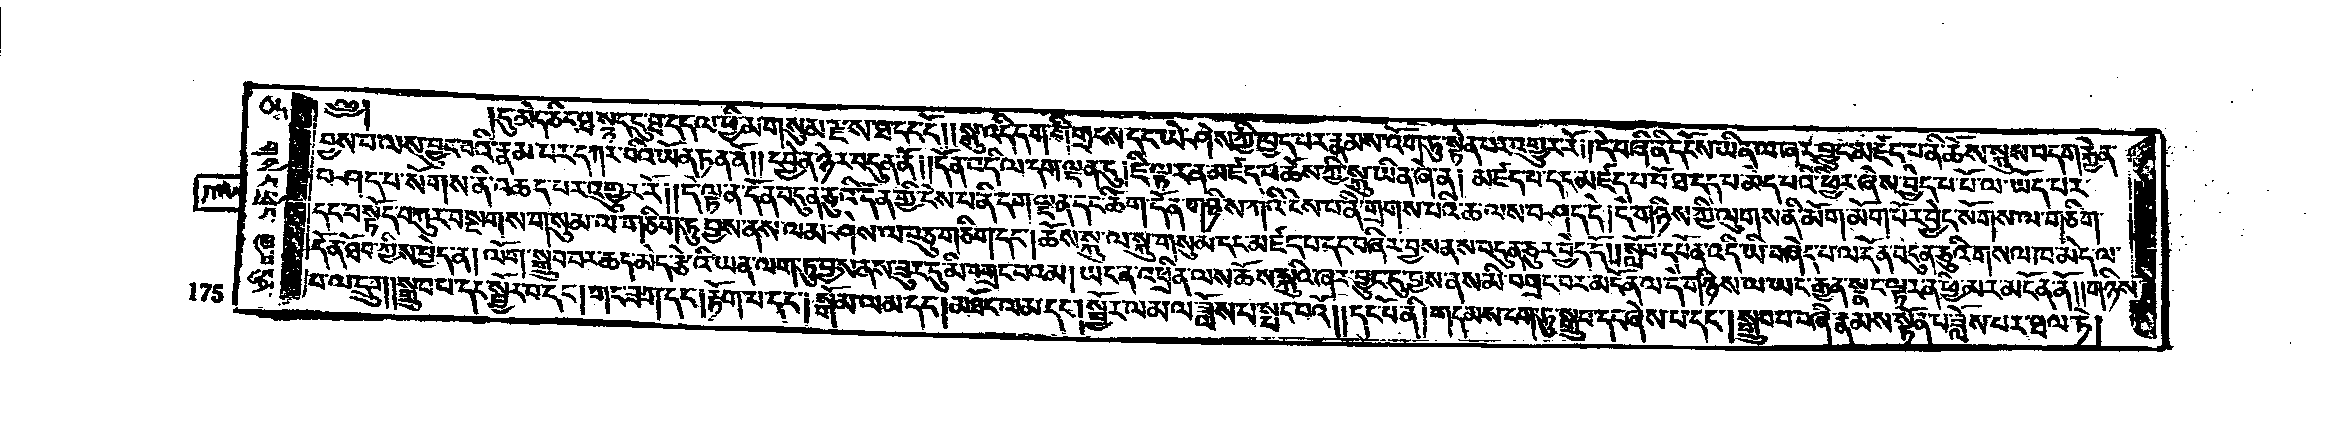༄༅། །དུ་མེད་ཅིང་ཐ་སྙད་དུ་ཐ་དད་ལ་ཕྱི་མ་གསུམ་རྫས་ཐ་དད་དོ། །སྐུ་འདི་དག་གི་གྲངས་དང་ཡེ་ཤེས་ཀྱི་ཁྱད་པར་རྣམས་འོག་ཏུ་སྟེན་པར་འགྱུར་རོ། །དེ་བཞིན་ནི་དངོས་ཡིན་ལ་ཞར་བྱུང་མཛད་པ་ནི་ཆོས་སྐུས་བདག་རྐྱེན་
བྱས་པ་ལས་བྱུང་བའི་རྣམ་པར་དཀར་བའི་ཡོན་ཏན་ནོ། །དབྱེ་ན་ཉེར་བདུན་ནོ། །དོན་འདི་ལ་དག་ལྡན་དུ། ཇི་ལྟར་ན་མཛད་པ་ཆོས་ཀྱི་སྐུ་ཡིན་ཞེ་ན། མཛད་པ་དང་མཛད་པ་པོ་ཐ་དད་པ་མེད་པའི་ཕྱིར་ཞེས་བྱེད་པ་པོ་ལ་ཡོད་པར་
བཤད་པ་སོགས་ནི་འཆད་པར་འགྱུར་རོ། །དེ་ལྟ་ན་དོན་བདུན་ཅུའི་དོན་གྱི་ངེས་པ་ནི་དག་ལྡན་དང་ཚིག་དོན་གཉིས་ཀའི་ངེས་པ་ནི་གྲགས་པའི་ཆ་ལས་བཤད་དེ། དེ་གཉིས་ཀྱི་ལུགས་ནི་མོག་མོག་པོར་བྱེད་སོགས་ལ་གཅིག་
དང་བསྟོད་བཀུར་བསྔགས་གསུམ་ལ་གཅིག་ཏུ་བྱས་ནས་ལམ་ཤེས་ལ་བཅུ་གཅིག་དང་། ཆོས་སྐུ་ལ་སྐུ་གསུམ་དང་མཛད་པ་དང་བཞིར་བྱས་ནས་བདུན་ཅུར་བྱེད་དོ། །སློབ་དཔོན་འདི་ཡི་བཞེད་པ་ལ་དོན་བདུན་ཅུའི་གསལ་ཁ་མེད་ལ་
དོན་ཐོབ་ཀྱིས་བྱེད་ན། ལོག་སྒྲུབ་པར་ཆད་མེད་རྩེའི་ཡན་ལག་ཏུ་བྱས་ནས་ཟུར་དུ་མི་བགྲང་བའམ། ཡང་ན་འཕྲིན་ལས་ཆོས་སྐུའི་ཞར་བྱུང་དུ་བྱས་ནས་མེ་བགྲང་བར་མངོན་ལ་དེ་གཉིས་ལ་ཡང་རྒྱན་སྣང་ལྟར་ན་ཕྱི་མར་མངོན་ནོ། །གཉིས་
པ་ལ་དྲུག །སྒྲུབ་པ་དང་སྦྱོར་བ་དང་། གང་ཟག་དང་། རྟོག་པ་དང་། སྒོམ་ལམ་དང་། མཐོང་ལམ་དང་། སྦྱོར་ལམ་ལ་ཟློས་པ་སྤང་བའོ། །དང་པོ་ནི། གདམས་ངག་ཏུ་སྒྲུབ་དང་ཞེས་པ་དང་། སྒྲུབ་པ་བཞི་རྣམས་སྟོན་པ་ཟློས་པར་ཐལ་ཏེ།